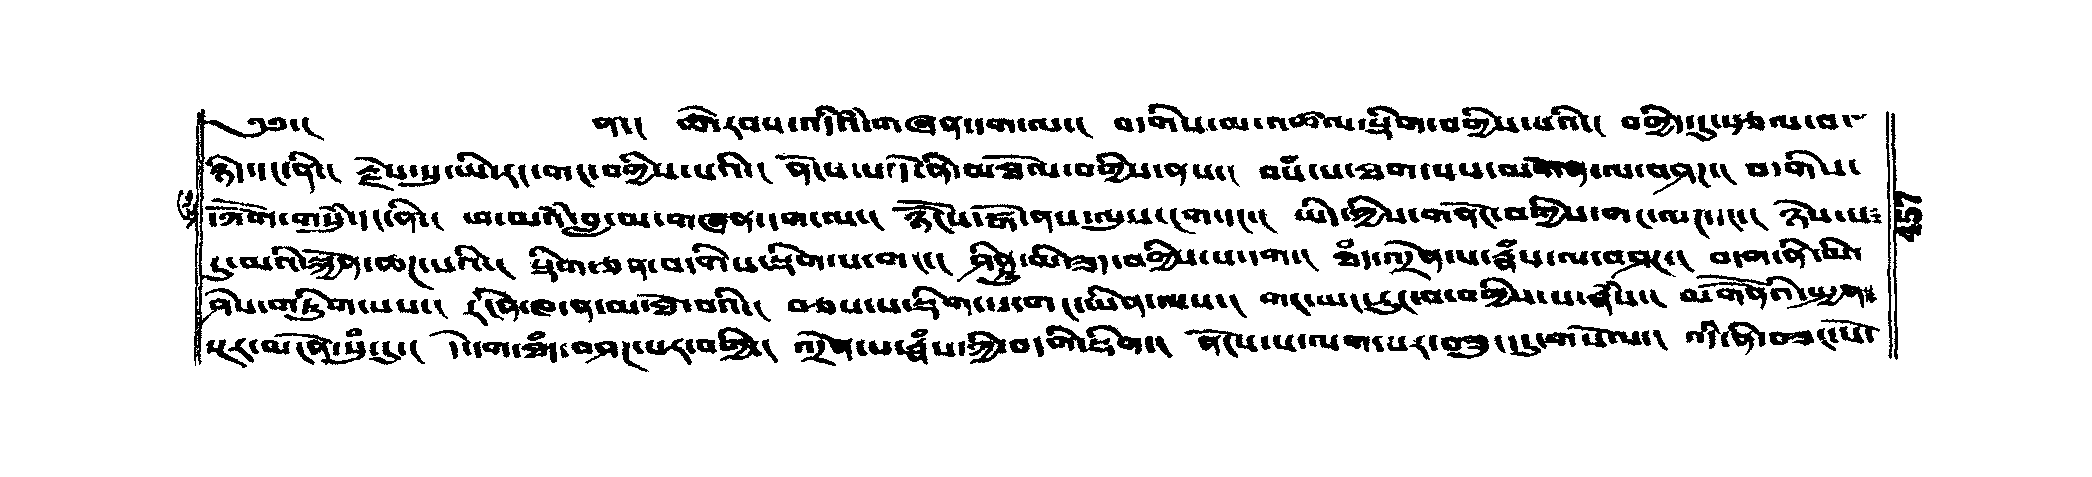ན། །ཐོག་མ་མེད་ལྡན་འཁོར་བ་ན། །ཚེ་་རབས་འདིའིམ་གཞན་དག་ལ། །བདག་གིས་མ་འཚལ་སྡིག་བགྱིས་པ། །བགྱིད་དུ་སྩལ་བ་
ཉིད་དང་ནི། །རྗེས་སུ་ཡི་རང་གང་བགྱིས་པའི། །ནོངས་པ་དེ་ནི་མཐོང་བགྱིས་ནས། །བསམ་པ་ཐག་པས་མགོན་ལ་བཤགས། །བདག་གི་
དཀོན་མཆོག་གསུམ་དང་ནི། །ཕ་མའམ་བླ་མ་གཞན་དག་ལ། །ཉོན་མོངས་སྒོ་ནས་ལུས་ངག་དང་། ཡིད་ཀྱིས་གནོང་བགྱིས་གང་ལགས་དང་། །ཉེས་པ་
དུ་མའི་སྐྱོན་ཆགས་པའི། །སྡིག་ཅནབདག་གིས་སྡིག་པ་གང་། །ཤིན་ཏུ་མི་ཟད་བགྱིས་པ་གང་། །ཐམས་ཅད་འདྲེན་པ་རྣམས་ལ་བཤགས། །བདག་ནི་མི་
ཤེས་གཏི་མུག་པས། །རང་བཞིན་ཁ་ན་མ་ཐོ་བའམ། །བཅས་པའི་སྡིག་པ་གང་ཡིན་ལས། །གང་ཡང་རུང་བ་བགྱིས་པ་རྣམས། །མགོན་པོའི་སྤྱན་
སྔར་མངོན་སུམ་དུ། །དེ་དག་་ཐམས་ཅད་བཞགས་པར་བགྱི། །འདྲེན་པ་རྣམས་ཀྱི་བདག་གི་སྡིག་།ནོངས་པ་ལགས་པར་བཟུང་དུ་གསོལ། །འདི་ནི་བཟང་པོ་